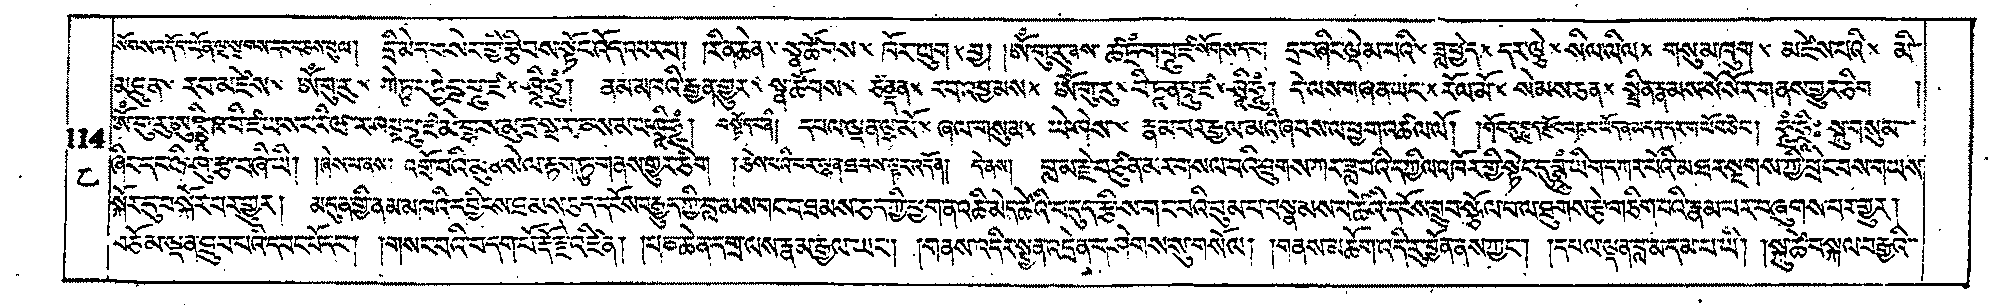སོགས་འདོད་ཡོན་ལྔ་སྔགས་དང་བཅས་ཕུལ།  དྲི་མེད་གསེར་གྱི་རྩིབས་སྟོང་འོད་འབར་བ། །རིན་ཆེན་྾་སྣ་྾་ཚོགས་྾་ཁོར་ཡུག་྾་བྱ། །ཨོཾ་གུ་རུ་ནས་ཚ་ཏྲཾ་ག་པཱུ་ཛ་སོགས་དང་། དྲང་ཞིང་ལྡེམ་པའི་྾་ཟླ་ཕྱེད་྾་དར་ལྕེ་྾་སིལ་སིལ་྾་གསུམ་ཁུག་྾་མཛེས་པའི་྾་མི་་་
མཐུན་྾་རབ་མཛེས་྾་ཨོཾ་གུ་རུ་྾་ཀེ་ཏུ་པྡྱེངྒ་ཛ་྾་ཤྲཱི་ཧཱུཾ། ནམ་མཁའི་རྒྱན་གྱུར་྾་སྣ་ཚོགས་྾་ཙནྡན་྾་རབ་འབྱམས་྾་ཨོཾགུ་རུ་྾་བི་ཏཱ་ན་པཱུ་ཛ་྾་ཤྲཱི་ཧཱུཾ། དེ་ལས་གཞན་ཡང་྾་རོལ་མོ་྾་སེམས་ཅན་྾་སྤྲིན་རྣམས་སོ་སོར་གནས་གྱུར་ཅིག །
ཨོཾ་གུ་རུ་ཨུཥྞཱི་ཥ་བི་ཛ་ཡ་ས་པ་རི་ཝ་ར་ཤཔྟ་པཱུ་ཛ་མེ་གྷ་ས་མུ་དྲ་སྥ་ར་ཎ་ས་མ་ཡ་ཤྲཱི་ཧཱུཾ། བསྟོད་པ་ནི།  དཔལ་ལྡན་ལྷ་མོ་྾་ཞལ་གསུམ་྾་ཡེ་ཤེས་྾་རྣམ་པར་རྒྱལ་མའི་ཞབས་ལ་ཕྱག་འཚལ་ལོ། །གོང་དུ་གླུད་རྫོང་བཏང་ཡོད་ན་མདའ་དར་གཡོབ་ཅིང་།  ཧཱུཾ་ཧྲཱིཿ སྐུ་གསུམ་་་
ཞིང་དང་ཉི་ཤུ་རྩ་བཞི་ཡི། །ཞེས་པ་ནས།  འགྲོ་བའི་མུན་སེལ་རྟག་ཏུ་གནས་གྱུར་ཅིག་།ཅེས་པའི་བར་ལྷན་ཐབས་ལྟར་འདོན། དེ་ནས།  བླ་མ་རྗེ་བཙུན་མར་གསལ་བའི་ཐུགས་ཀར་ཟླ་བའི་དཀྱིལ་འཁོར་གྱི་སྟེང་དུ་བྷཱུཾ་ཡིག་དཀར་པོའི་མཐར་སྔགས་ཀྱི་ཕྲེང་བས་གཡས་
སྐོར་དུ་བསྐོར་བར་གྱུར། མདུན་གྱི་ནམ་མཁའི་དབྱིངས་ཐམས་ཅད་གནོས་བརྒྱུད་ཀྱི་བླ་མས་གང་བ་ཐམས་ཅད་ཀྱི་ཕྱག་ན་འཆི་མེད་ཚེའི་བདུད་རྩིས་གང་བའི་བུམ་པ་བསྣམས་པ་ཚེའི་དངོས་གྲུབ་སྩོལ་བ་ལ་ཐུགས་རྩེ་གཅིག་པའི་རྣམ་པར་བཞུགས་པར་གྱུར།
བཅོམ་ལྡན་ཐུབ་པའི་དབང་པོ་དང་། །གསང་བའི་བདག་པོ་རྡོ་རྗེ་འཛིན། །པཎ་ཆེན་དགྲ་ལས་རྣམ་རྒྱལ་ཡང་། །གནས་འདིར་སྤྱན་འདྲེན་གཤེགས་སུ་གསོལ། །གནས་མཆོག་འདི་རུ་བྱོན་ནས་ཀྱང་། །དཔལ་ལྡན་བླ་མ་དམ་པ་ཡི། །སྐུ་ཚེ་བསྐལ་བརྒྱའི་་་